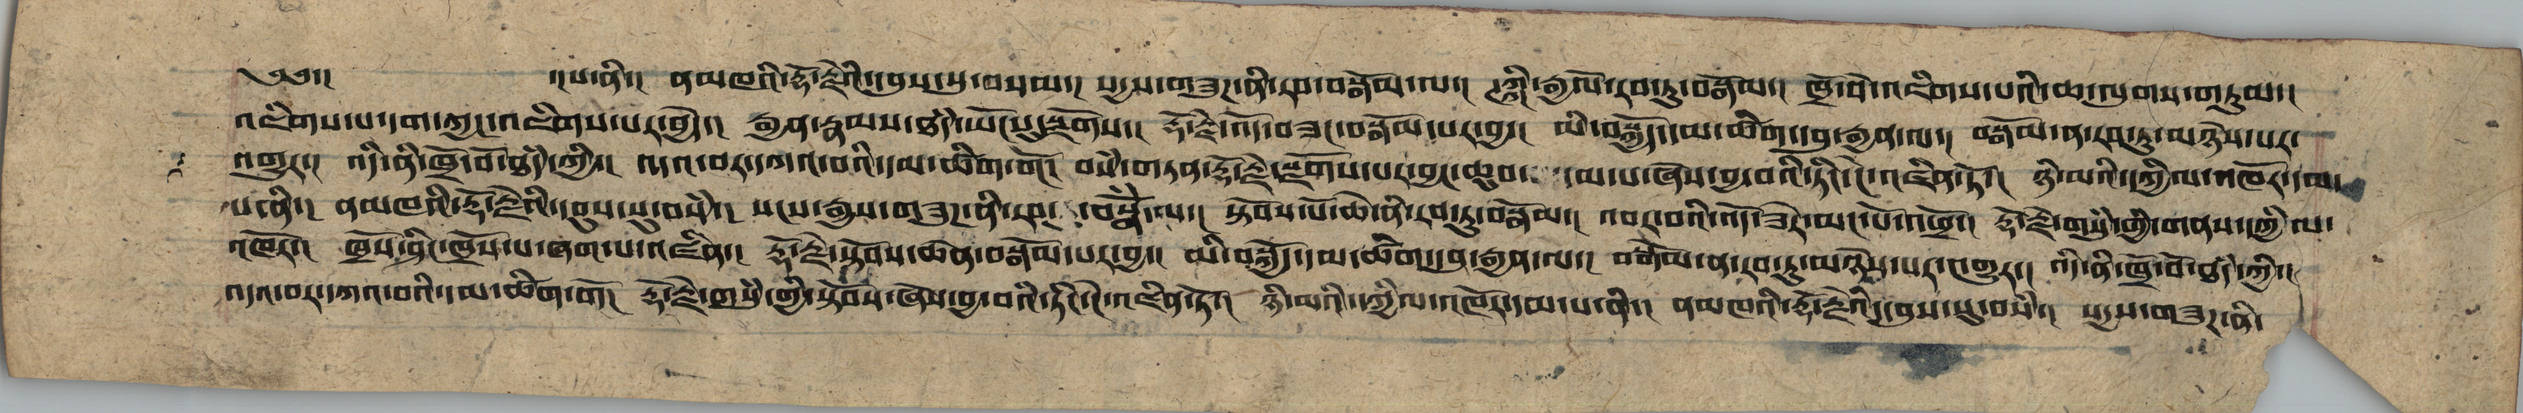༄༅་། ་།པ་ནི་། ནམཁའི་རྡོ་རྗེའི་དབུས་སུ་བསམ་། སདྱས་གཟུཌ་ནི་རབ་བསྒོམ་ལ་། ཊཀྐི་རྒྱལོ་རབ་ཏུ་བསྒོམ་། ཁྲོ་བོ་འཇིགས་པའི་ཆ་ལུགས་གཏུམ་།
འཇིགས་པ་དག་ཀྱང་འཇིགས་པར་བྱེད་། རྒྱན་རྣམས་ཐཾད་ཡོངསུ་སྫོགས་། རྡོ་རྗེ་འོད་བཟང་བསྒོམ་པར་བྱ་། མི་བསྐྱོད་དམ་ཚིག་དབུ་རྒྱན་ལ་། བསྒོམ་ན་རབ་ཏུ་མཉེས་པར་
འགྱུར་། འདི་ནི་ཁྲོ་བོ་ཐཾད་ཀྱིས་། འདའ་བར་དཀའ་བའི་དམ་ཚིག་གོ་། བསཾ་གཏན་རྡོ་རྗེ་སྫོགས་པར་བྱང་ཆུབ་ དམ་པ་ཞེས་བྱ་བའི་ཏིང་ངེ་འཛིན་ཏོ་། ཉི་མའི་དཀྱིལ་འཁོར་དམ་
པ་ནི་། ནམཁའི་རྡོ་རྗེའི་དབུས་སུ་བསཾ་། སངས་རྒྱས་གཟུཌ་ནི་རབ་ བསྒོཾ་ལ་། སྟོབས་པོ་ཆེ་ནི་རབ་ཏུ་བསྒོམ་། འབར་བའི་འོད་ཟེར་མང་པོ་འཕྲོ་། རྡོ་རྗེ་གསུཾ་གྱི་གནས་དཀྱིལ་
འཁོར་། ཁྲོས་ཤིང་ཁྲོས་པ་ཞག་པ་འཛིན་། རྡོ་རྗེ་སྟོབས་ཆེན་བསྒོམ་པར་བྱ་། མི་བསྐྱོད་དམ་ཚིག་དབུ་རྒྱན་ལ་། བསྒོམ་ན་རབ་ཏུ་མཉེས་པར་འགྱུར་། འདི་ནི་ཁྲོ་བོ་ཐཾད་ཀྱི་།
འདའ་བར་དཀའ་བའི་དམ་ཚིག་གོ་། རྡོ་རྗེ་གསུཾ་གྱི་སྟོབས་ཞེས་བྱ་བའི་ཏིང་ངེ་འཛིན་ཏོ་། ཉི་མའི་དཀྱིལ་འཁོར་དམ་པ་ནི་། ནམཁའི་རྡོ་རྗེ་དབུས་སུ་བསཾ་། སདྱས་གཟུཌ་ནི་